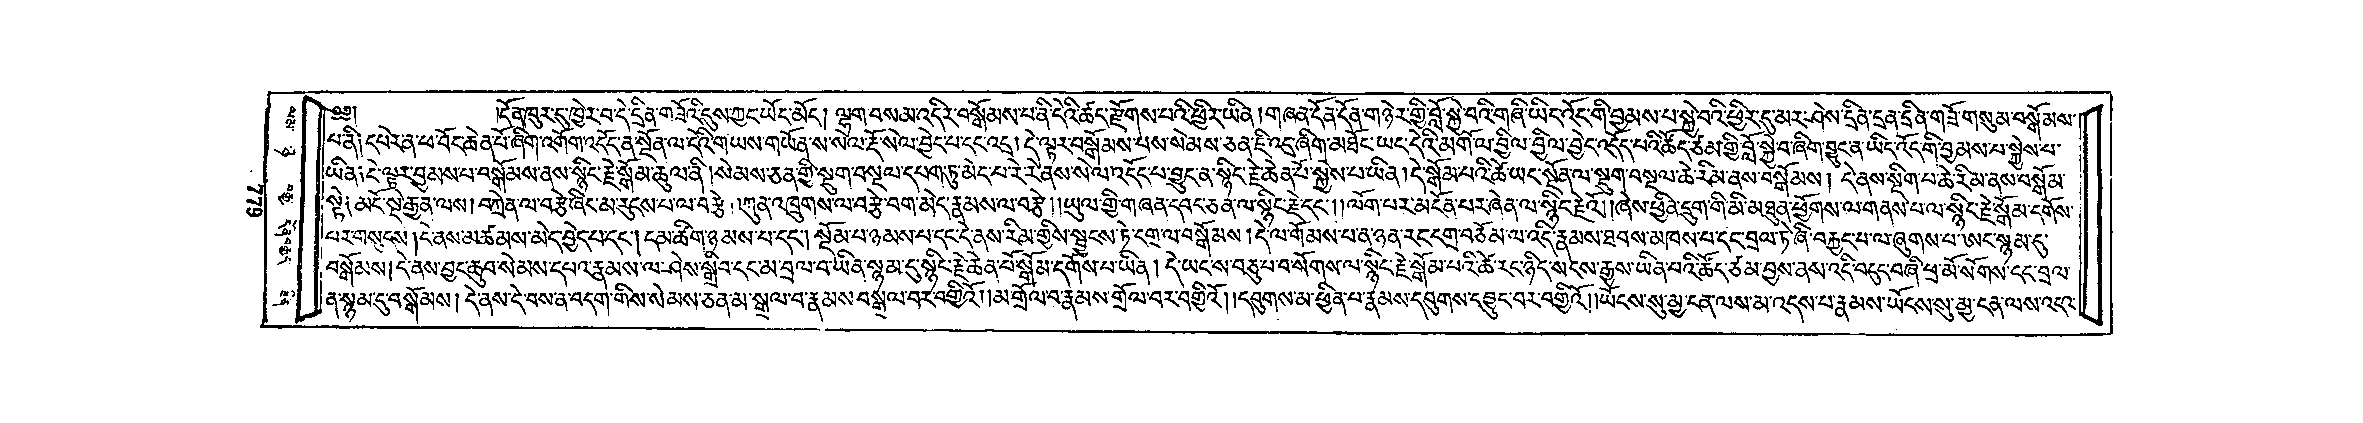༄༅། །དོན་ཁུར་དུ་ཁྱེར་བ་དེ་དྲིན་གཟོའི་དུས་ཀྱང་ཡོད་མོད། ལྷག་བསམ་འདིར་བསྒོམས་པ་ནི་དེའི་ཚད་རྫོགས་པའི་ཕྱིར་ཡིན། གཞན་དོན་དོན་གཉེར་གྱི་བློ་སྐྱེ་བའི་གཞི་ཡིད་འོང་གི་བྱམས་པ་སྐྱེ་བའི་ཕྱིར་དུ་མར་ཤེས་དྲིན་དྲན་དྲིན་གཟོ་གསུམ་བསྒོམས་
པ་ནི། དཔེར་ན་ཕ་བོང་ཆེན་པོ་ཞིག་འགོག་འདོད་ན་སྔོན་ལ་དེའི་གཡས་གཡོན་ས་སེལ་རྡོ་སེལ་བྱེད་པ་དང་འདྲ། དེ་ལྟར་བསྒོམས་པས་སེམས་ཅན་ཇི་འདྲ་ཞིག་མཐོང་ཡང་དེའི་མགོ་ལ་བྱིལ་བྱིལ་བྱེད་འདོད་པའི་ཚོད་ཙམ་གྱི་བློ་སྐྱེ་བ་ཞིག་བྱུང་ན་ཡིད་འོད་གི་བྱམས་པ་སྐྱེས་པ་
ཡིན། དེ་ལྟར་བྱམས་པ་བསྒོམས་ནས་སྙིང་རྗེ་སྒོམ་ཚུལ་ནི། སེམས་ཅན་གྱི་སྡུག་བསྔལ་དཔག་ཏུ་མེད་པ་རེ་རེ་ནས་སེལ་འདོད་པ་བྱུང་ན་སྙིང་རྗེ་ཆེན་པོ་སྐྱེས་པ་ཡིན། དེ་སྒོམ་པའི་ཚེ་ཡང་སྔོན་ལ་སྡུག་བསྔལ་ཆེ་རིམ་ནས་བསྒོམས། དེ་ནས་སྡིག་པ་ཆེ་རིམ་ནས་བསྒོམ་
སྟེ། མདོ་སྡེ་རྒྱན་ལས། བཀྲེན་ལ་བརྩེ་ཞིང་མ་རུངས་པ་ལ་བརྩེ། །ཀུན་འཁྲུགས་ལ་བརྩེ་བག་མེད་རྣམས་ལ་བརྩེ། །ཡུལ་གྱི་གཞན་དབང་ཅན་ལ་སྙིང་རྗེ་དང་། །ལོག་པར་མངོན་པར་ཞེན་ལ་སྙིང་རྗེའོ། །ཞེས་ཕྱིན་དྲུག་གི་མི་མཐུན་ཕྱོགས་ལ་གནས་པ་ལ་སྙིང་རྗེ་སྒོམ་དགོས་
པར་གསུངས། དེ་ནས་མཚམས་མེད་བྱེད་པ་དང་། དམ་ཚིག་ཉམས་པ་དང་། སྡོམ་པ་ཉམས་པ་དང་དེ་ནས་རིམ་གྱིས་སྦྱངས་ཏེ་དགྲ་ལ་བསྒོམས། དེ་ལ་གོམས་པ་ན་ཉན་རང་དགྲ་བཅོམ་ལ་འདི་རྣམས་ཐབས་མཁས་པ་དང་བྲལ་ཏེ་ཞི་བརྐྱང་པ་ལ་ཞུགས་པ་ཨང་སྙམ་དུ་
བསྒོམས། དེ་ནས་བྱང་ཆུབ་སེམས་དཔའ་རྣམས་ལ་ཤེས་སྒྲིབ་དང་མ་བྲལ་བ་ཡིན་སྙམ་དུ་སྙིང་རྗེ་ཆེན་པོ་སྒོམ་དགོས་པ་ཡིན། དེ་ཡང་ས་བཅུ་པ་བ་སོགས་ལ་སྙིང་རྗེ་སྒོམ་པའི་ཚེ་རང་ཉིད་སངས་རྒྱས་ཡིན་པའི་ཚོད་ཙམ་བྱས་ནས་འདི་བདུད་བཞི་ཕྲ་མོ་སོགས་དང་བྲལ་
ན་སྙམ་དུ་བསྒོམས། དེ་ནས་དེ་བས་ན་བདག་གིས་སེམས་ཅན་མ་སྒྲལ་བ་རྣམས་བསྒྲལ་བར་བགྱིའོ། །མ་གྲོལ་བ་རྣམས་གྲོལ་བར་བགྱིའོ། །དབུགས་མ་ཕྱིན་པ་རྣམས་དབུགས་དབྱུང་བར་བགྱིའོ། །ཡོངས་སུ་མྱ་ངན་ལས་མ་འདས་པ་རྣམས་ཡོངས་སུ་མྱ་ངན་ལས་འདའ་